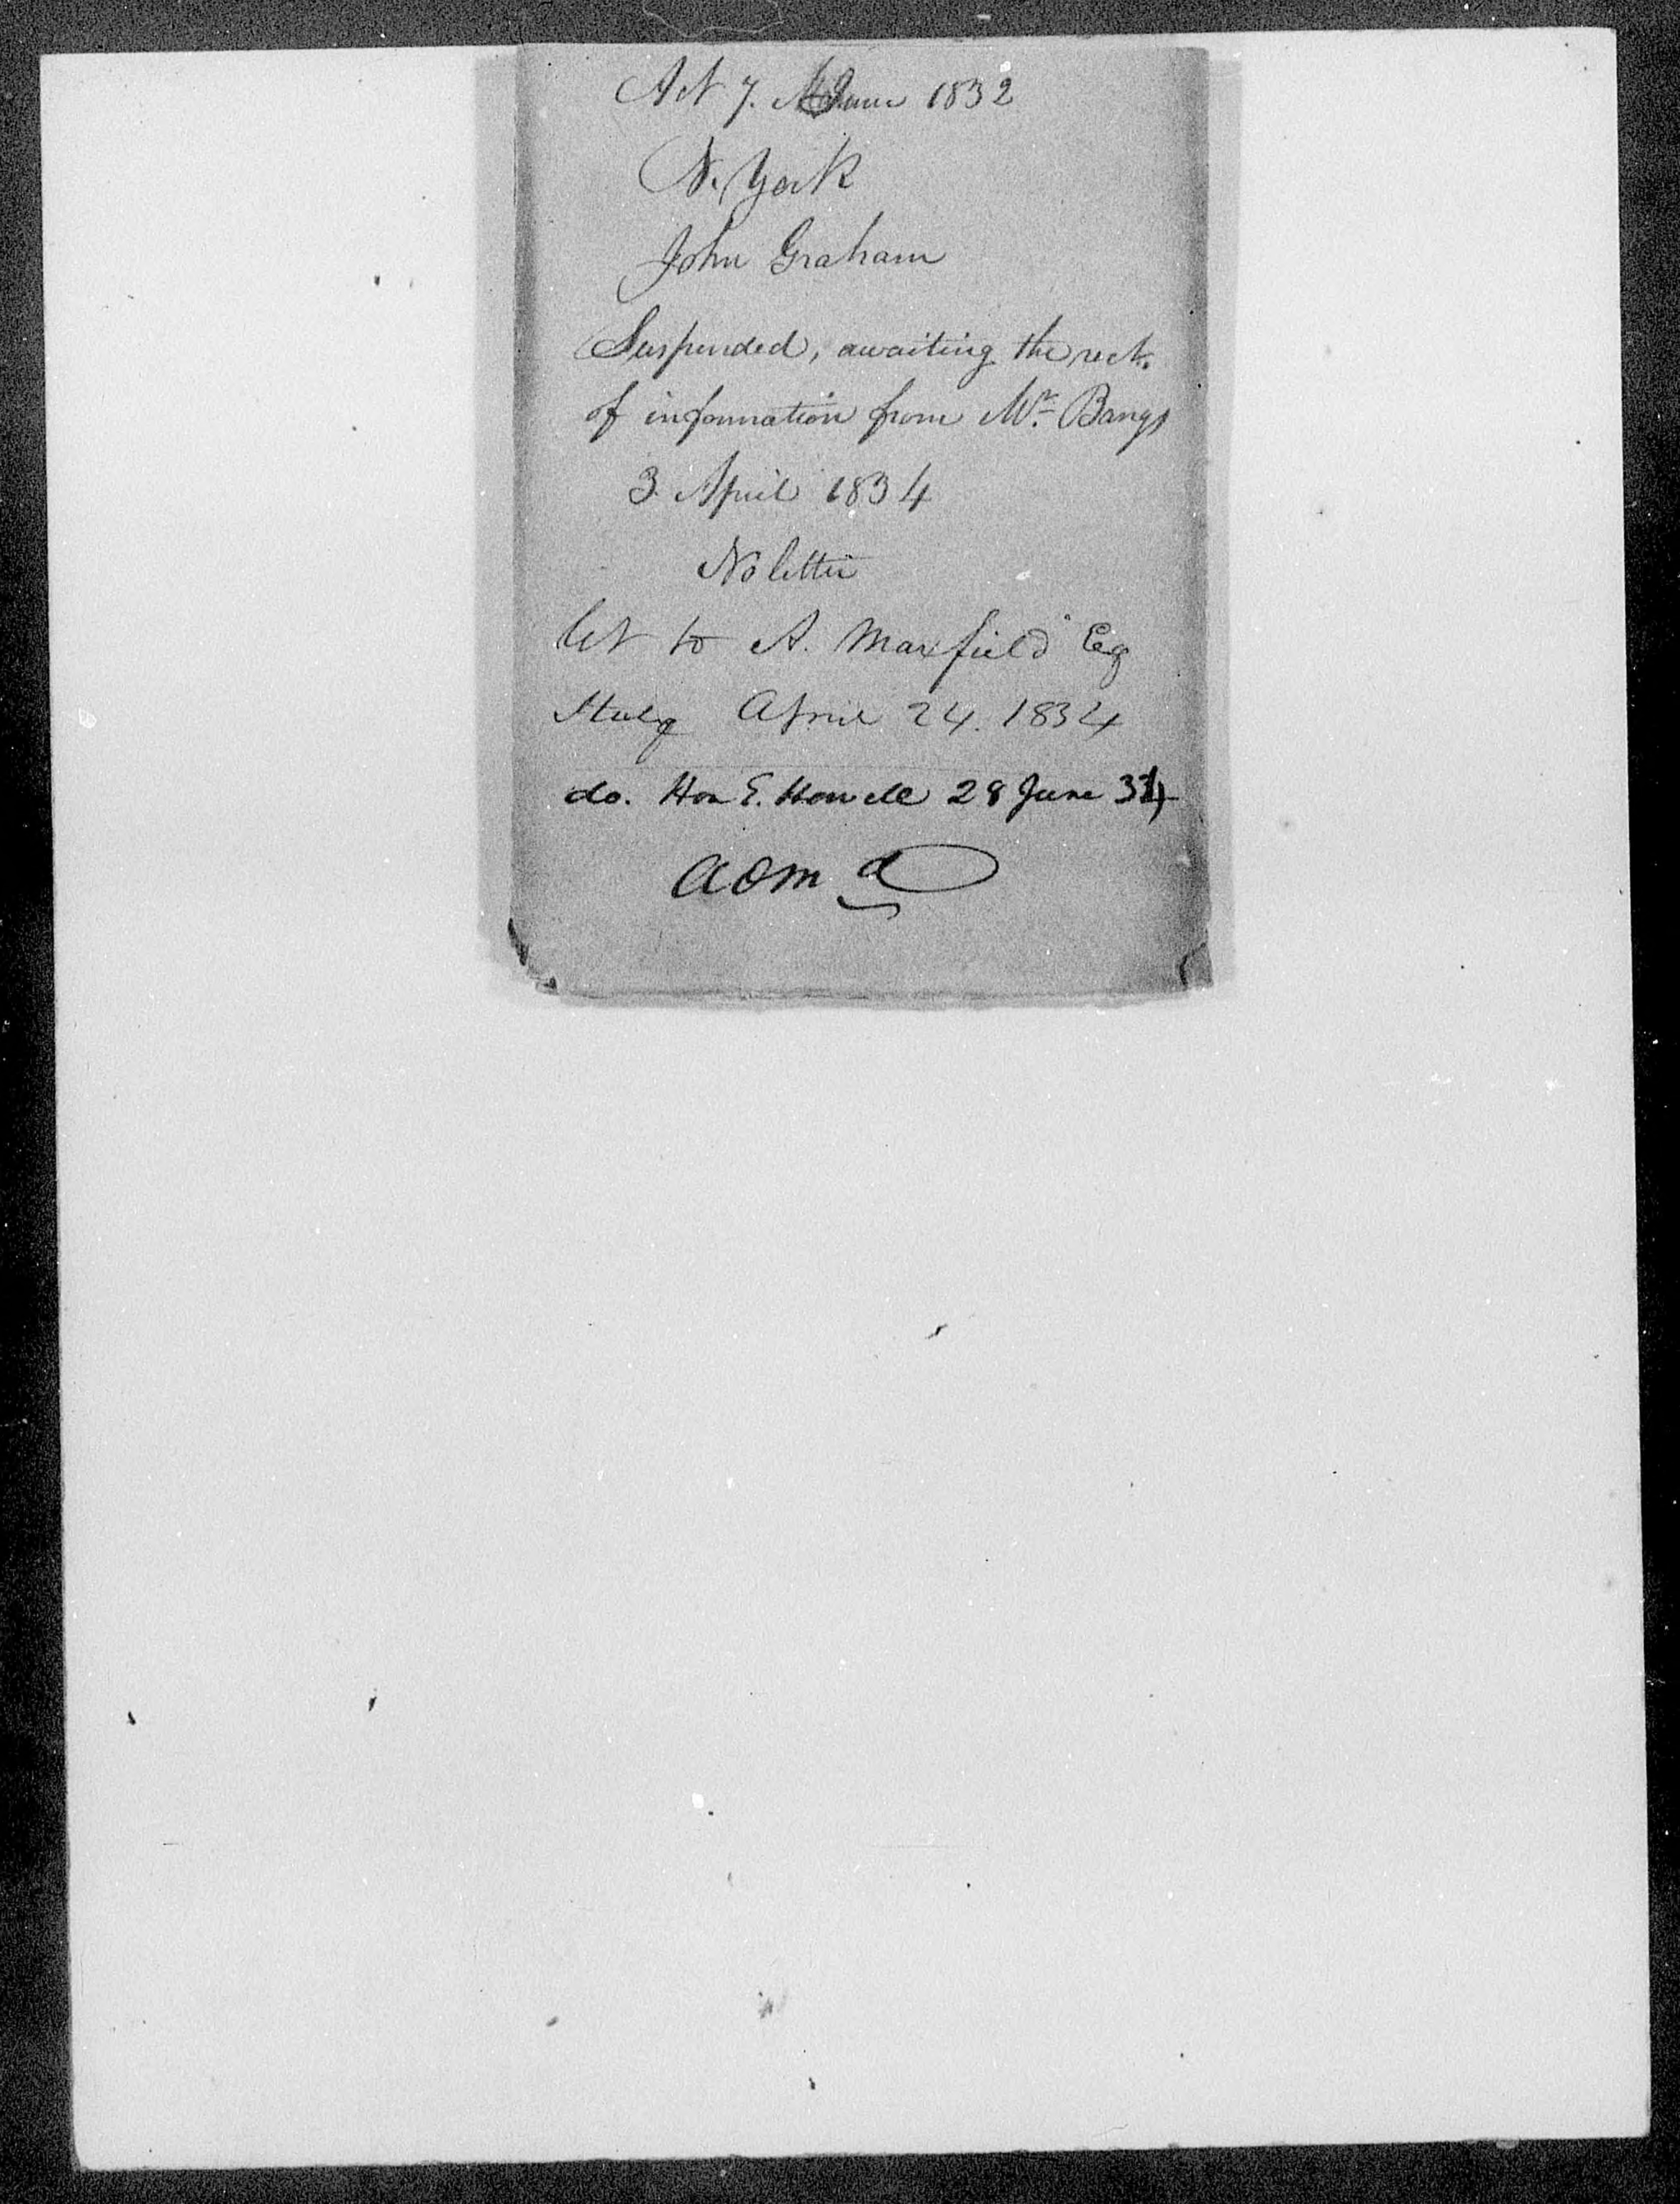Act 7. June 1832
N. York
John Graham
Suspended, awaiting the rest of information from Wm. Bangs
3. April 1834
No letter
let to A. Maxfield Eq
Meeting April 24. 1834
Do. Hon. E. Howell 28 June 34
AOM do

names: A Maxfield, Bangs, John Graham, E Howell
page: 28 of 28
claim: survivor's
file: S. 22799, John Graham, Mass